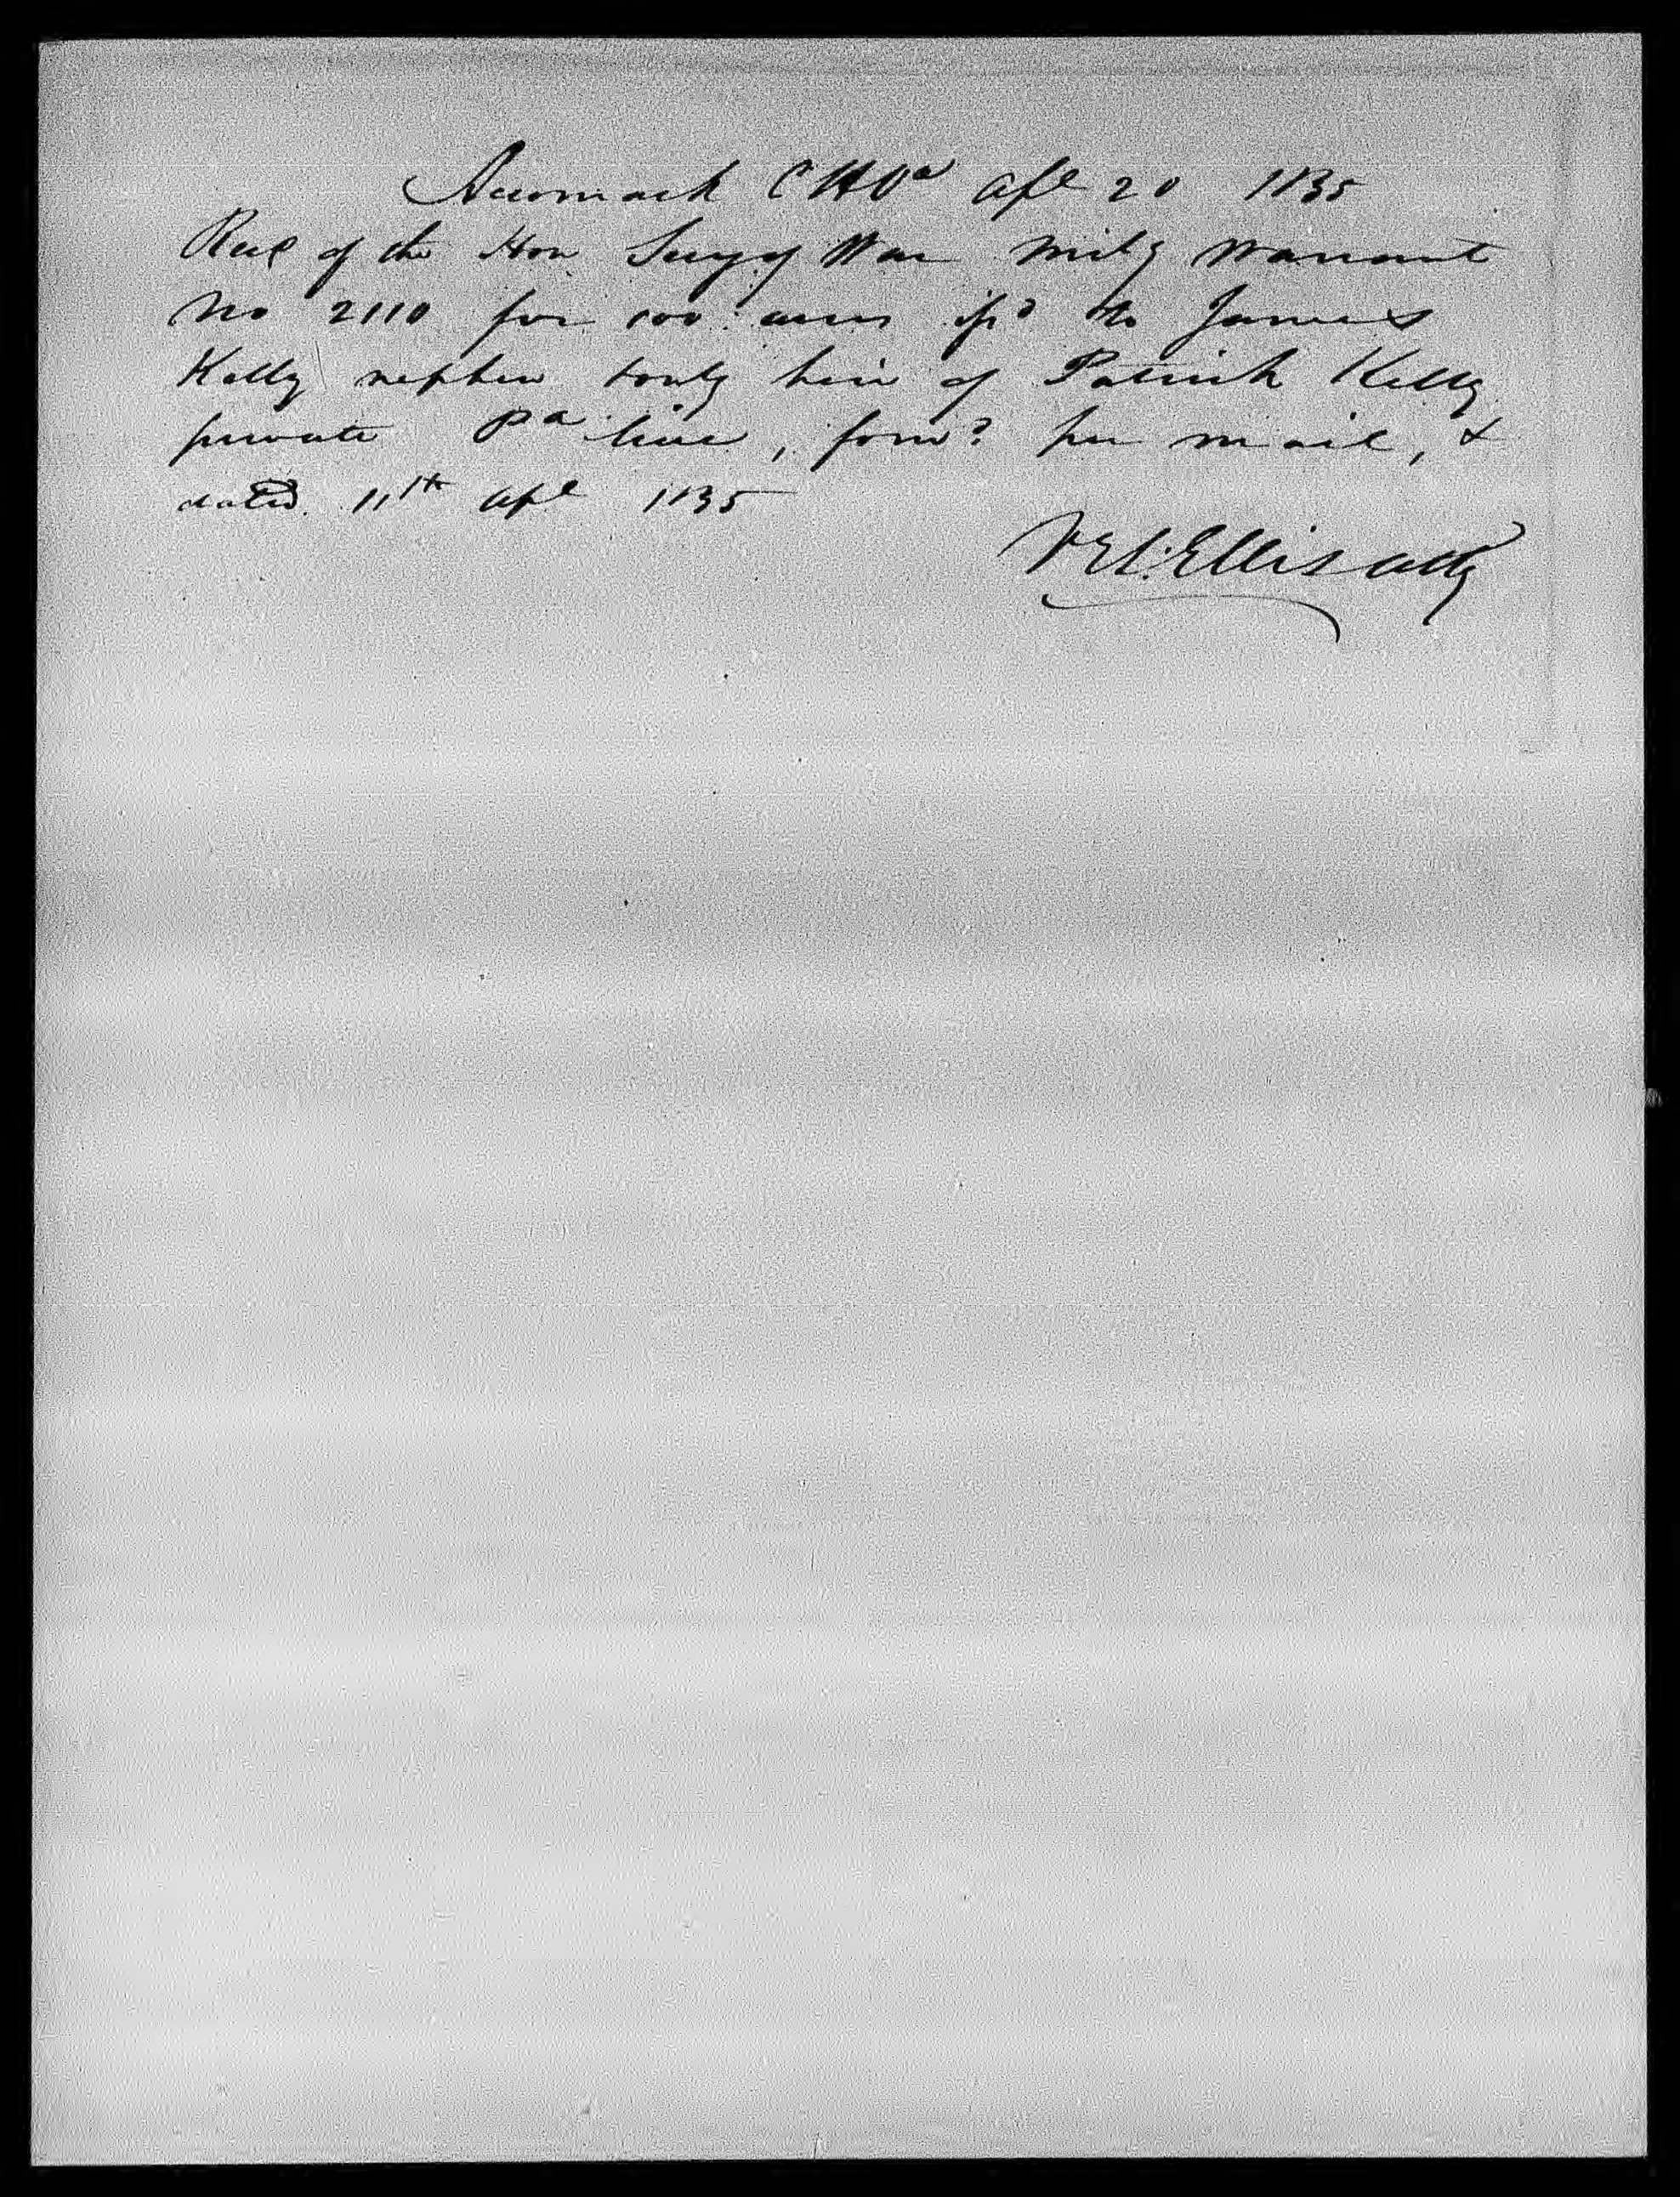Accomack CH Va  Apl 20 1835Rep of the Hon Sect of War Mily Warrant No 2110 for 100 acres aforesaid to James Kelly nephew & only heir of Patrick Kelly private Pa line, form? per mail, & dated 11th Apl 1835  

Ves. Ellis Atty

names: Vep Ellis; James Kelly; Patrick Kelly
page: 2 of 11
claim: bounty land warrant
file: B. L. Wt. 2110-100, for Patrick Kelly, Pennsylvania